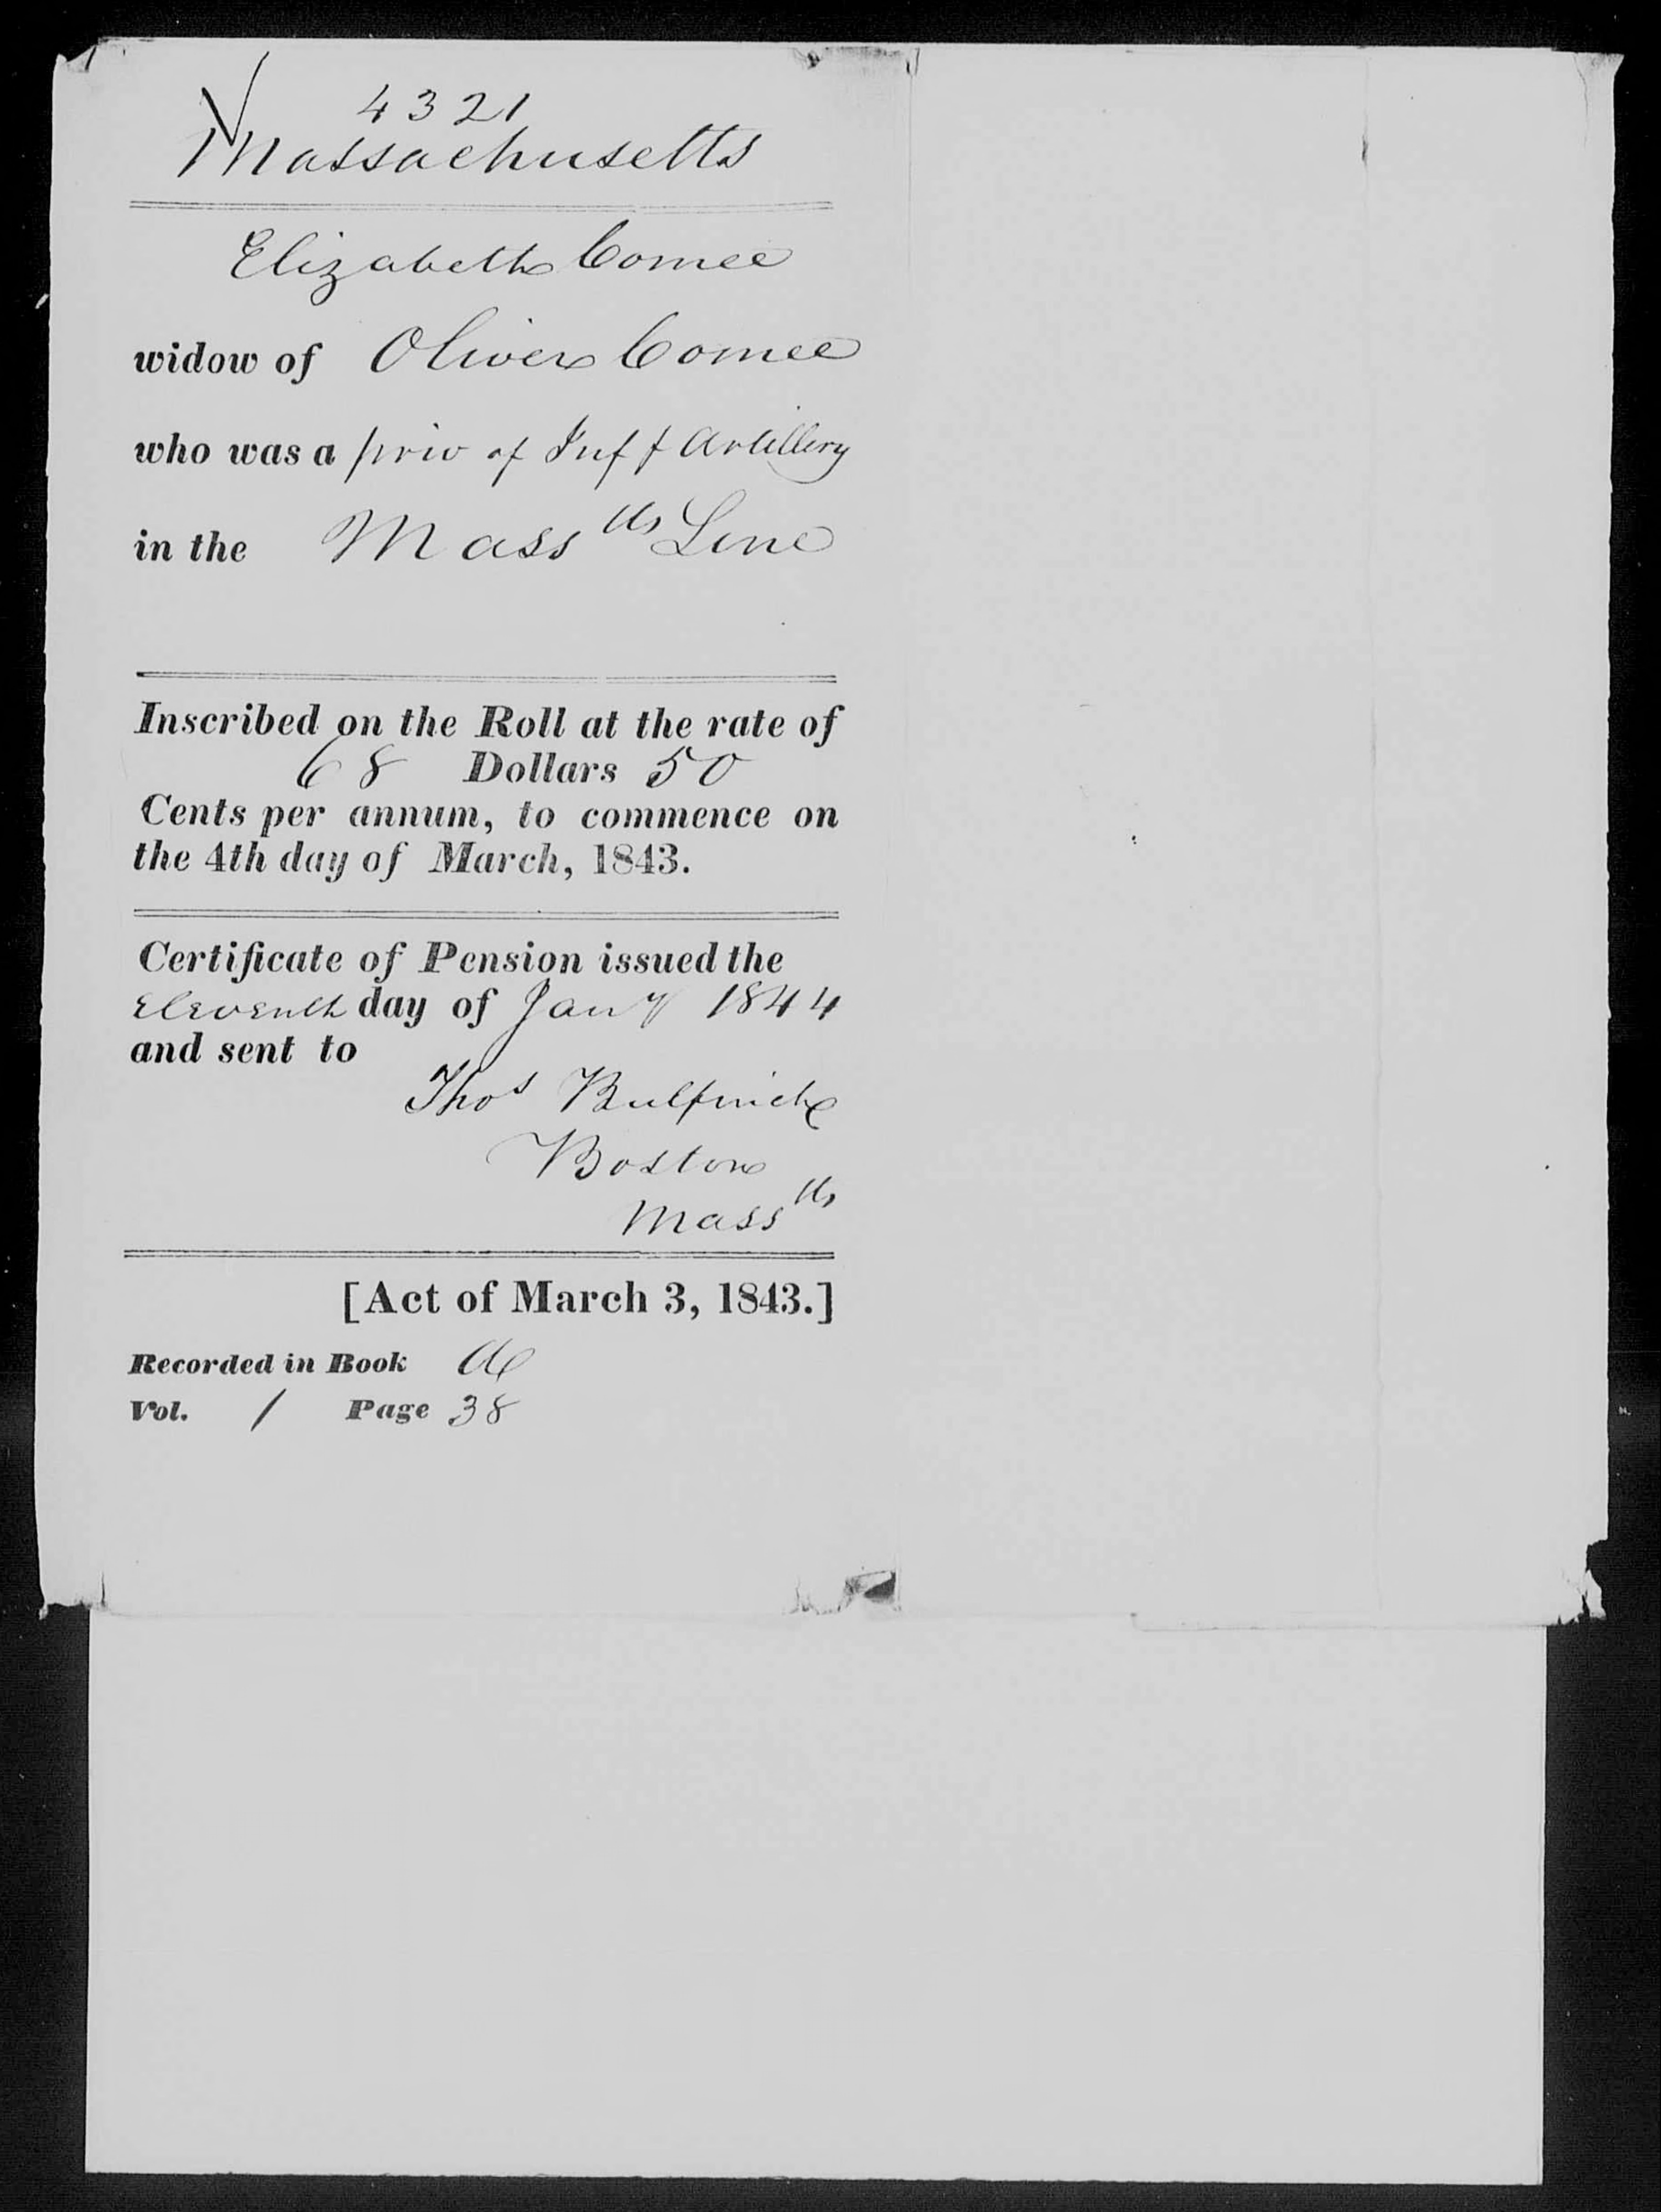4321 
Massachusetts 
—————-
Elizabeth Comee 
widow of Oliver Comee
who was a priv of Inf of Artillery 
in the Mass’tts Line 
—————-
Inscribed on the Roll at the rate of 68 Dollars 50 Cents per annum, to commence on the 4th day of March, 1843. 
—————-
Certificate of Pension issued the Eleventh day of Jany 1844 and sent to 
Thos Bulfinch 
Boston Mass’tts 
—————-
[Act of March 3, 1843.]
Recorded in Book A
Vol.  / Page 38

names: Oliver Comee, Elizabeth Comee, Thos Bulfinch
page: 17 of 45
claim: widow's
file: W. 14,567, Oliver Comee, Mass.